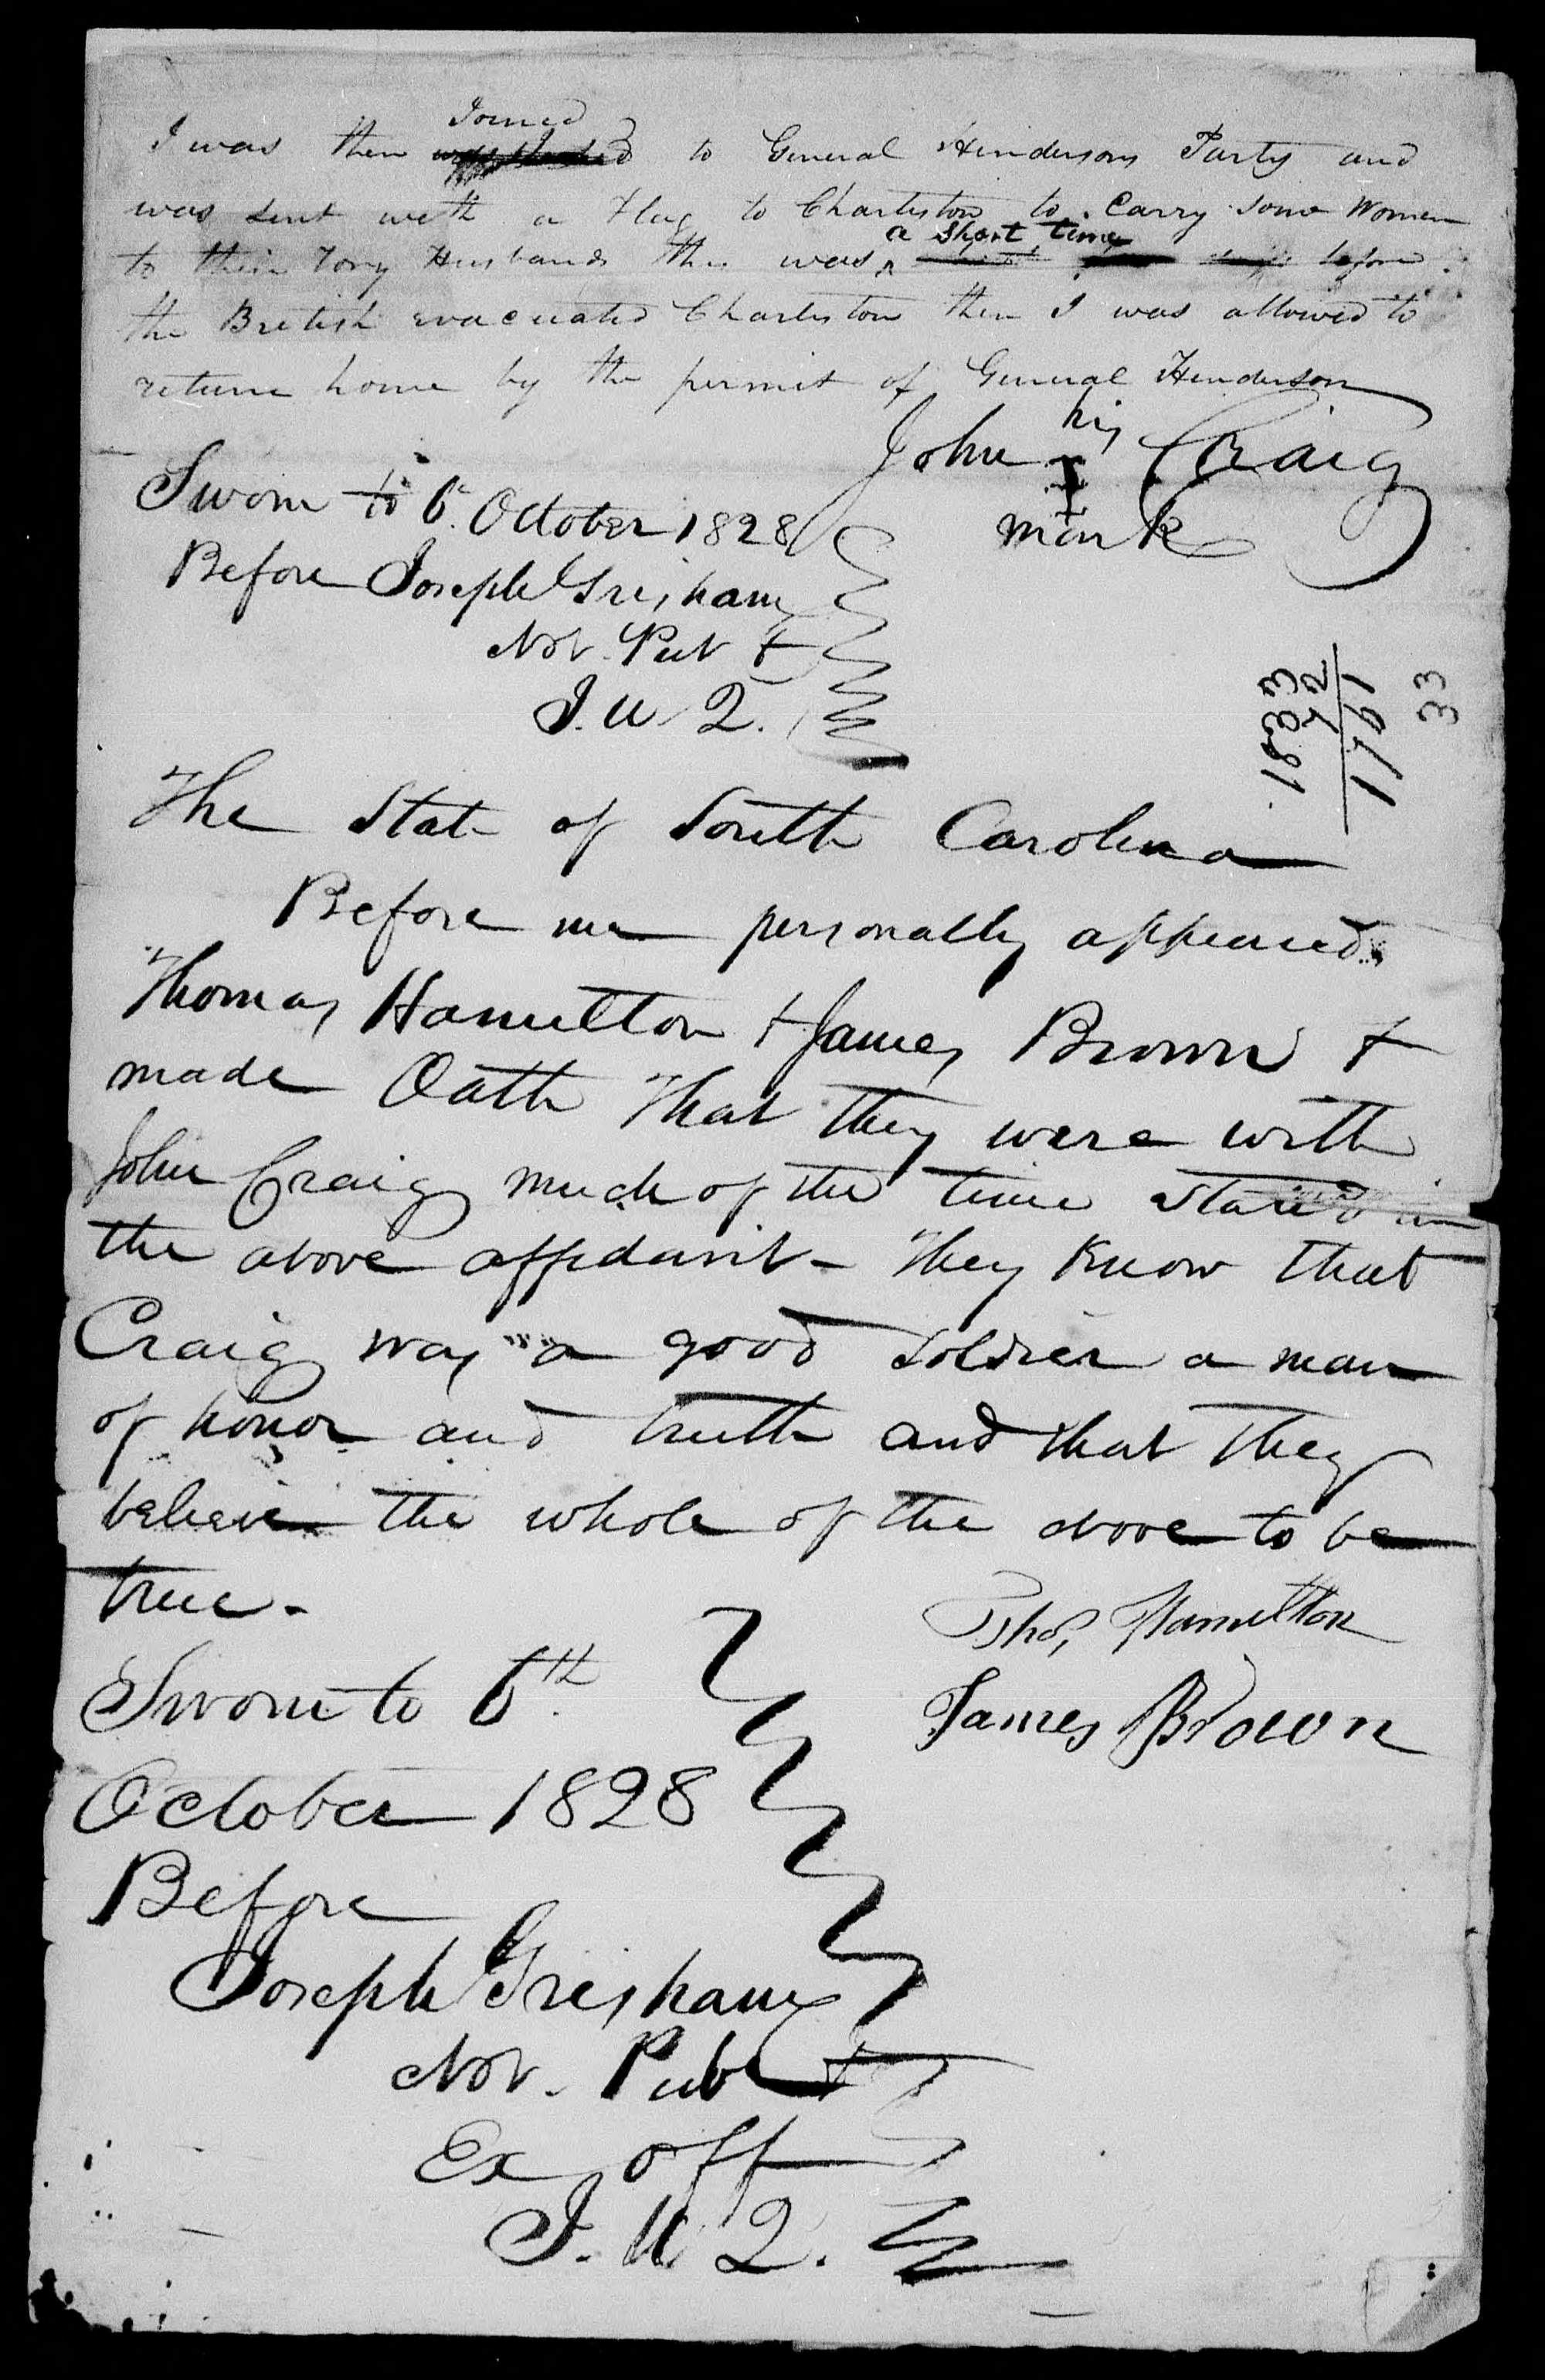I was then joined to General Hendersons party and was sent with a Flag to Charleston to carry some women to their Tory Husbands this was a short time before the British evacuated Charleston then I was allowed to return home by the permit of General Henderson. 
his John Craig mark
Sworn to 6th October 1828 Before Joseph Grisham Not. Pub & J.W. 2.}
1833
    72
___________
    33

The State of South Carolina
Before me personally appeared Thomas Hamilton & James Brown & made Oath that they were with John Craig much of the time stated in the above affidavit. They know that
Craig was a good soldier a man honor and truth and that they believe the whole of the above to be true.
Thos. Hamilton
James Brown

Sworn to 6th October 1828
Before Joseph Grisham
Not. Pub.
Ex off
J.W.2.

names: Henderson, Craig, Joseph Grisham, Thos Hamilton, John Craig, James Brown, Joseph Grisham, John Craig, Henderson Party, James Brown, Thomas Hamilton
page: 20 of 55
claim: widow's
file: W. 22864, John Craig, S.C. Born In Iceland